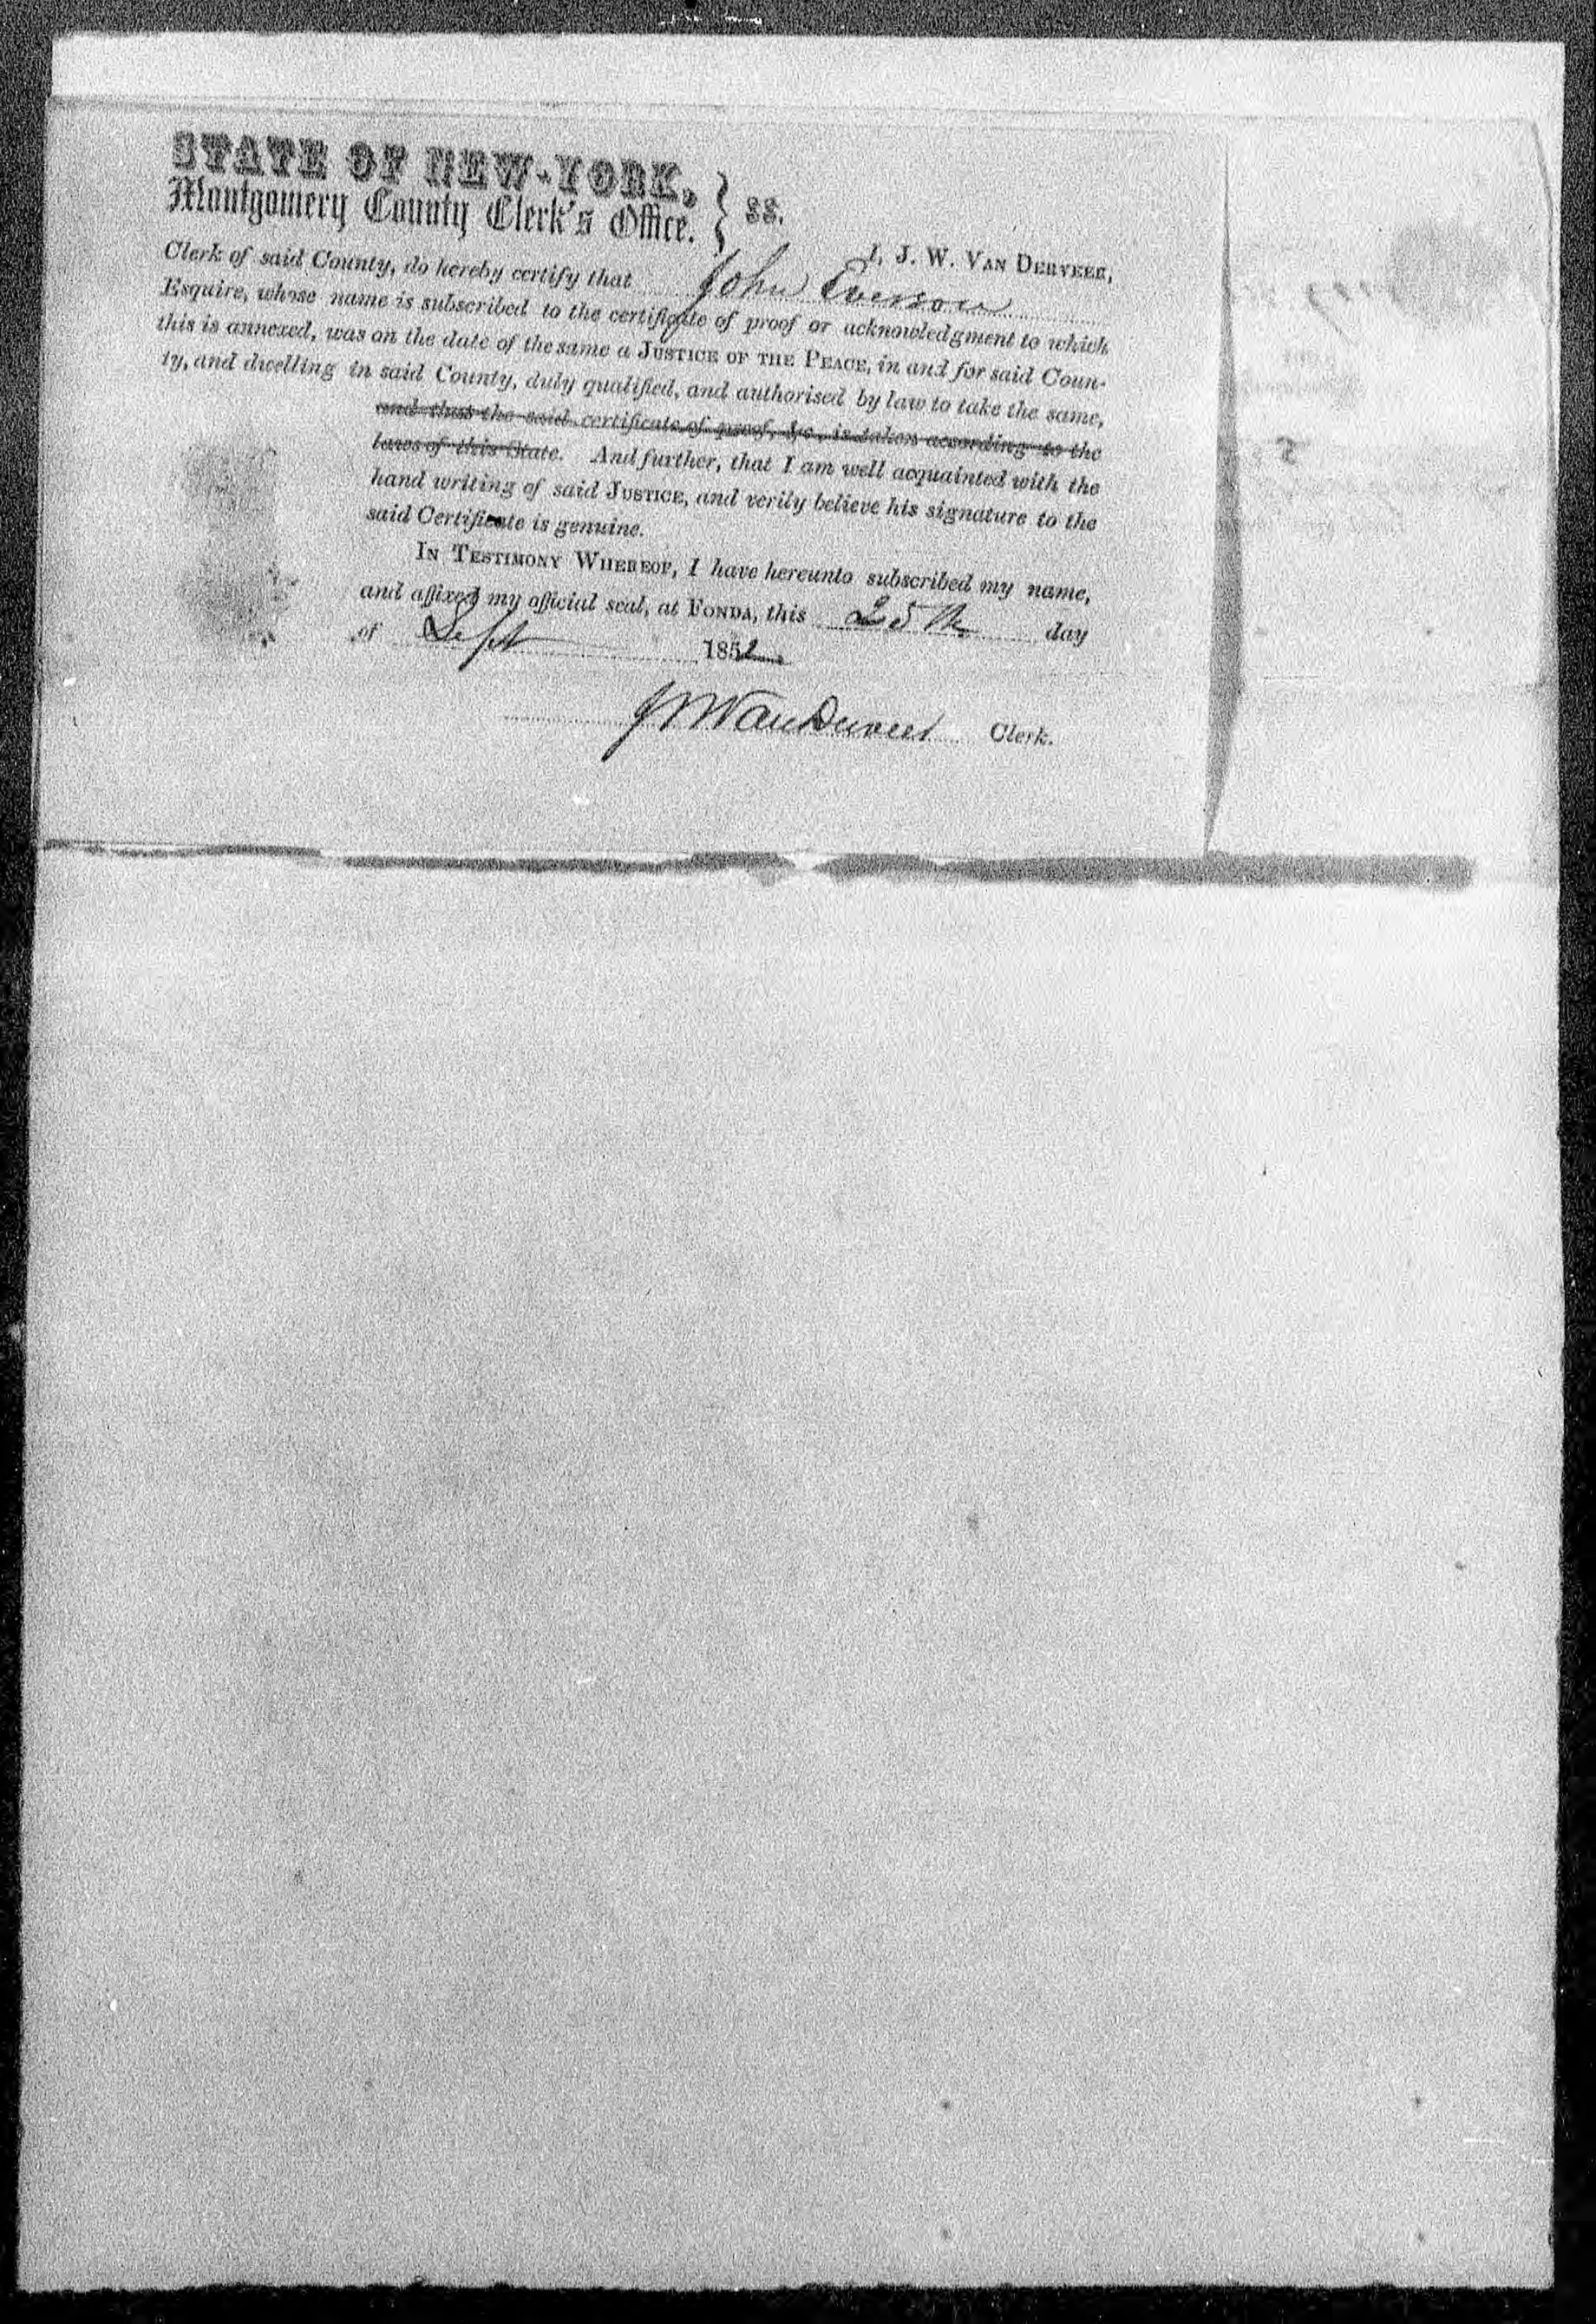STATE OF NEW YORK
MONTGOMERY COUNTY CLERK'S OFFICE} ss.
I, J. W. VAN DUVEER, Clerk of the said County, do hereby certify that John Everson Esquire, whose name is subscribed to the certificate of proof or acknowledgement to which this is annexed, was on the date of the same a JUSTICE OF THE PEACE, in and for said County, and dwelling in said County, duly qualified, and authorized by law to take the same. And further, that I am well acquainted with the hand writing of said JUSTICE, and verily believe his signature to the said Certificate is genuine.
In Testimony Whereof, I have hereunto subscribed my name, and affixed my official seal, at FONDA, this 25th day of Sept 1852.
J W Van Duveer Clerk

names: J W Van Duveer, John Everson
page: 15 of 68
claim: rejected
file: R. 2,360, John Couch, Conn.